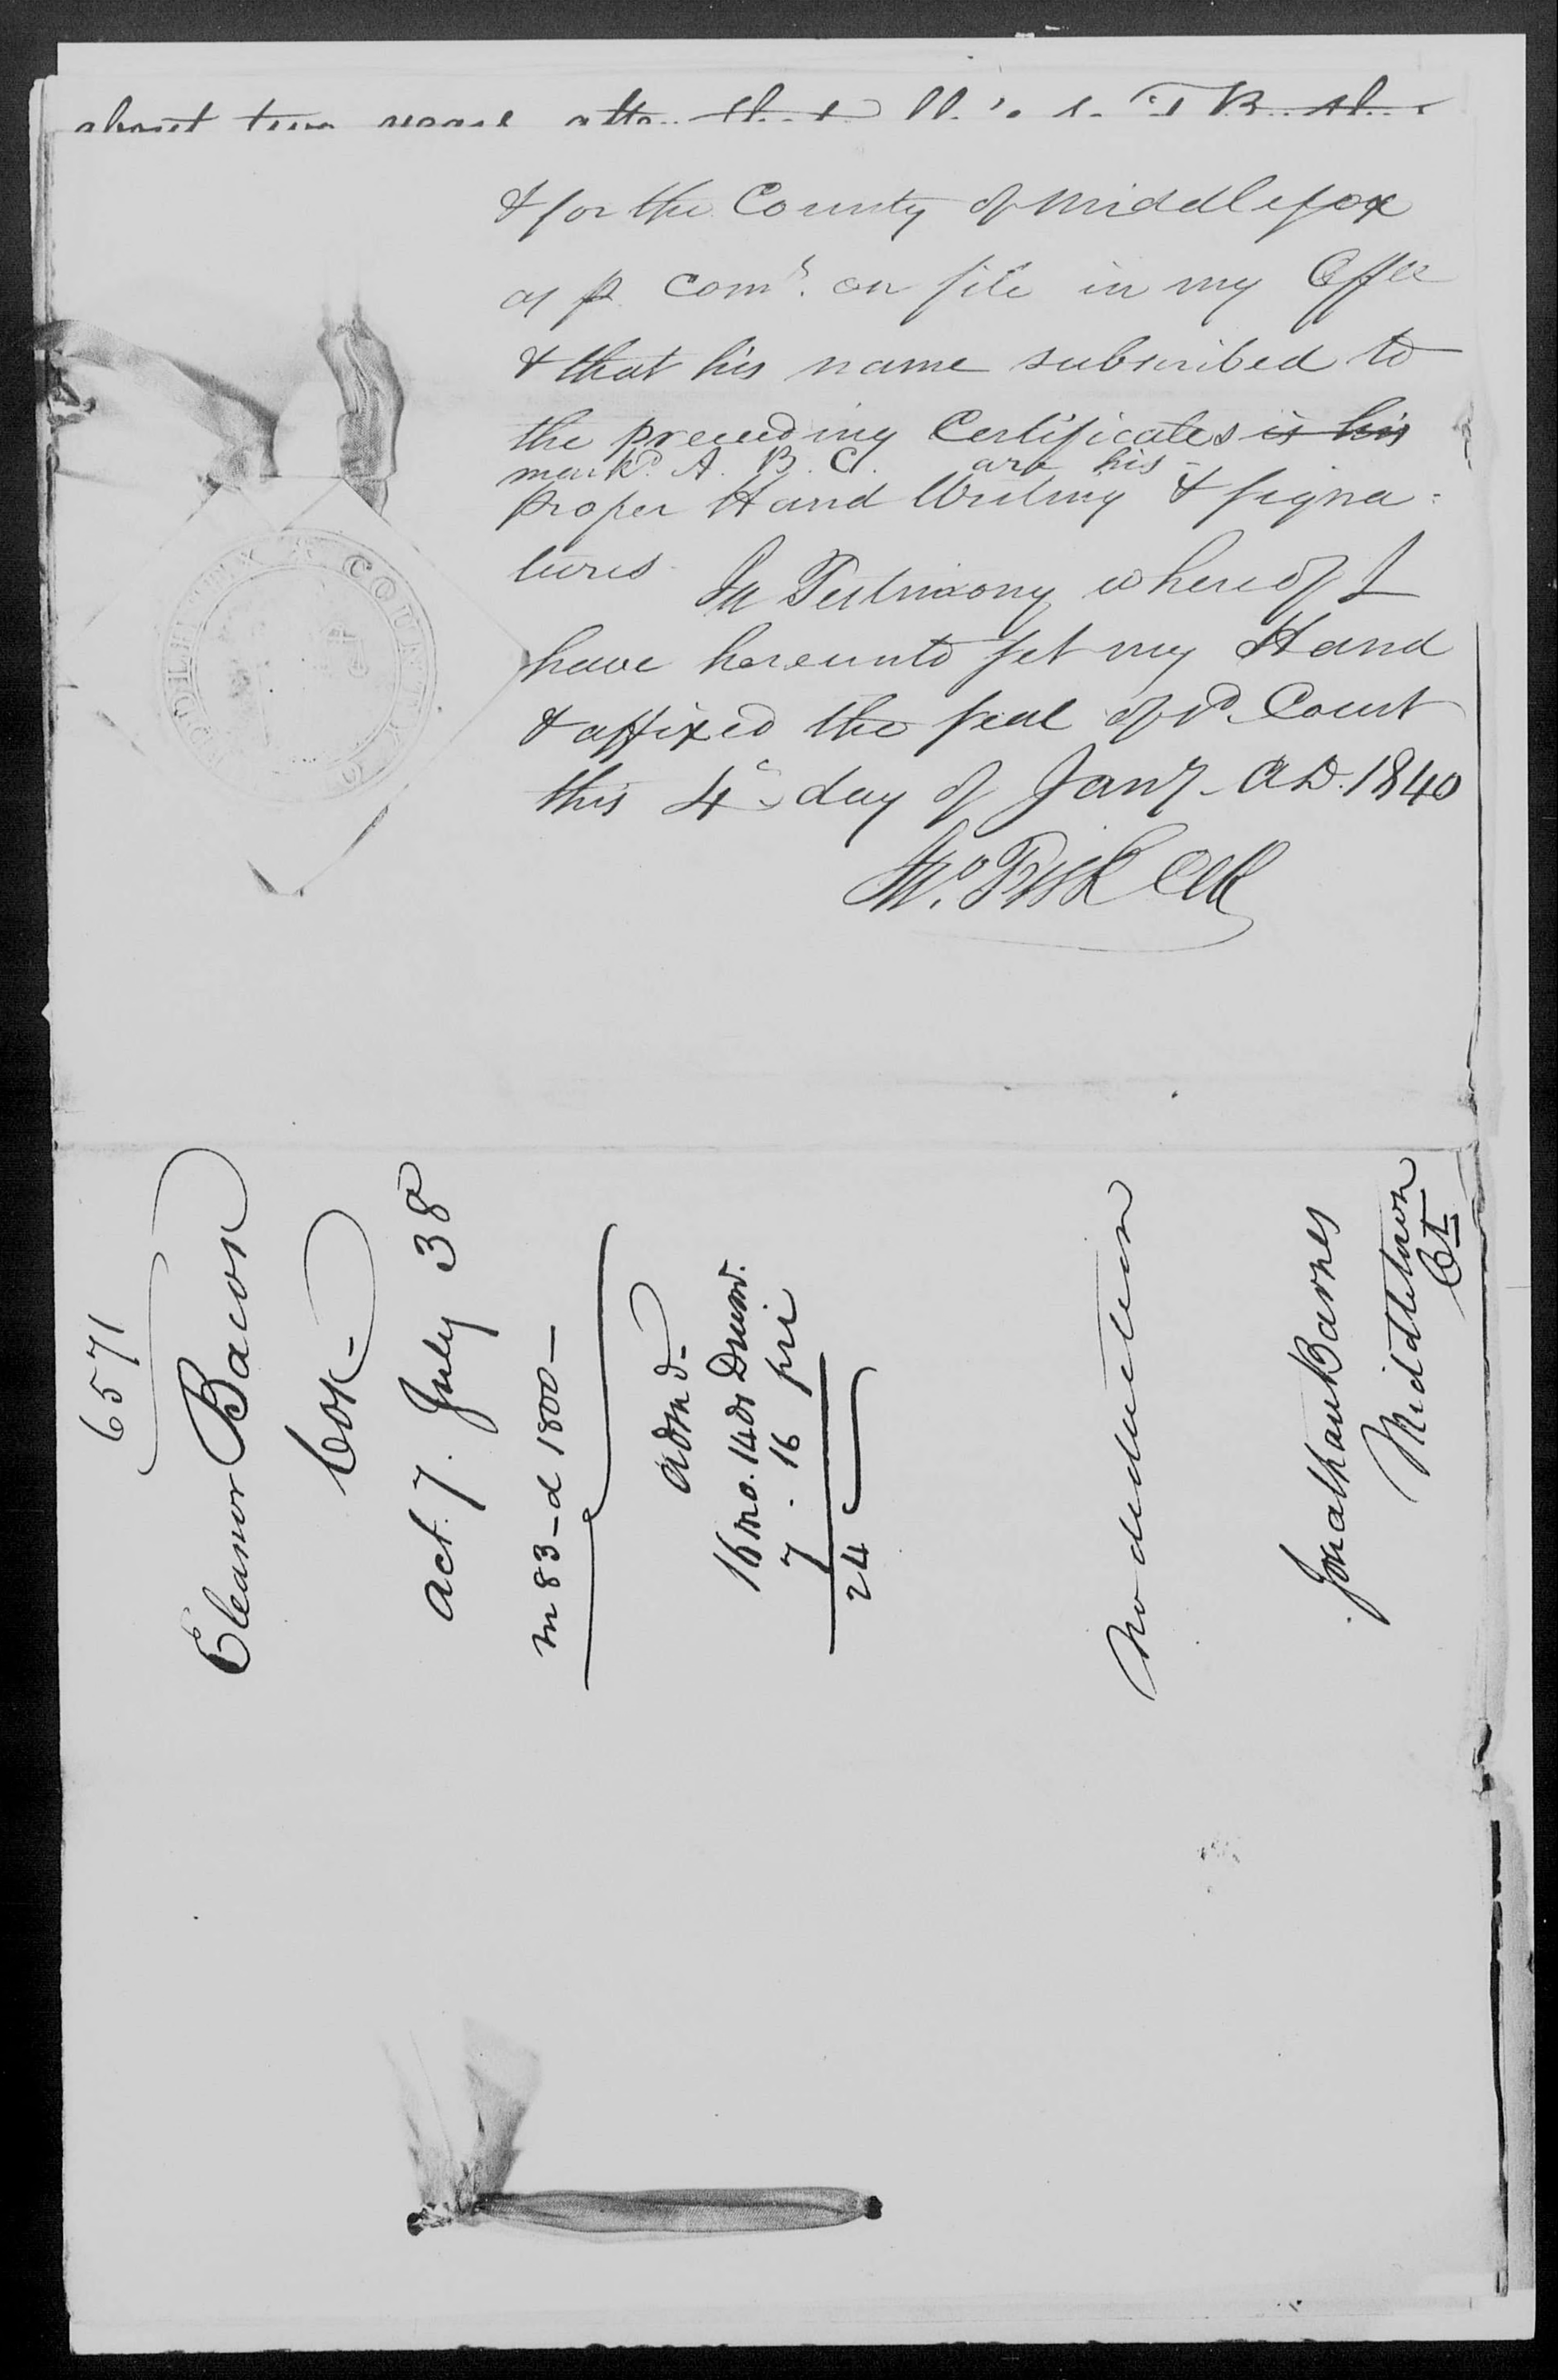& for the County of Middlesex of ss com's on file in my Office & that his name subscribed to the preceding Certificates is his mark A. B. C. are his proper Hand Writing & signatures.  In Testimony where of I have hereunto set my Hand & affited the Seal of said Court this 4th day of Janyary A. D. 1840
J. Fisk, Clerk

6571
Eleanor Bacon
Congressional Act 7. July 1938
M 93 - d 1800 - 
____

Adm'd
16 months 14 days Drummer
7 months 16 days private
________________
24 ~~~
No deduction

Jonathan Barnes
Middletown  Connecticut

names: Eleanor Bacon, Jno Fisk, Jonathan Barnes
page: 9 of 24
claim: widow's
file: W. 25190, Joseph Bacon, Continental (Conn)